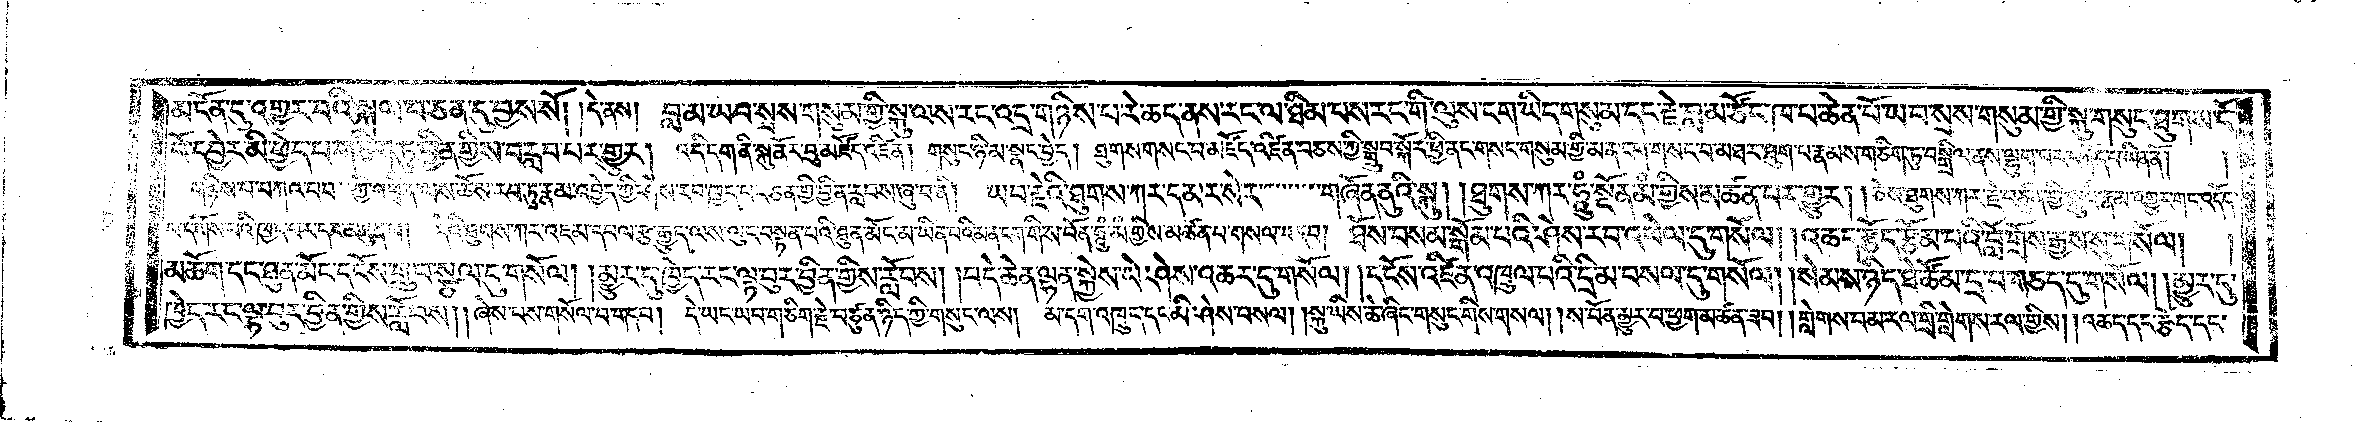མངོན་དུ་འགྱུར་བའི་སྐལ་བ་ཅན་དུ་བྱས་སོ། །དེ་ནས།  བླ་མ་ཡབ་སྲས་གསུམ་གྱི་སྐུ་ལས་རང་འདྲ་གཉིས་པ་རེ་ཆད་ནས་རང་ལ་ཐིམ་པས་རང་གི་ལུས་ངག་ཡིད་གསུམ་དང་རྗེ་བླ་མ་ཙོང་ཁ་པ་ཆེན་པོ་ཡབ་སྲས་གསུམ་གྱི་སྐུ་གསུང་ཐུགས་ངོ་
བོ་དབྱེར་མི་ཕྱེད་པ་གཅིག་ཏུ་བྱིན་གྱིས་བརླབ་པར་གྱུར། འདི་དག་ནི་སྐུ་ནོར་བུ་མཛོད་འཛིན། གསུང་ཉི་མ་སྣང་བྱེད། ཐུགས་གསང་བ་མཛོད་འཛིན་བཅས་ཀྱི་སྒྲུབ་སྐོར་ཕྱི་ནང་གསང་གསུམ་གྱི་མན་ངག་གསང་བ་མཐར་ཐུག་པ་རྣམས་གཅིག་ཏུ་བསྒྲིལ་ནས་ལྷུག་པར་བཀོད་པ་ཡིན་ནོ། །
གཉིས་པ་བཀའ་བབས་ཀྱི་འཕྲིན་ལས་ཆོས་རབ་ཏུ་རྣམ་འབྱེད་ཀྱི་ཤེས་རབ་ཁྱད་པར་ཅན་གྱི་བྱིན་རླབས་ཞུ་པ་ནི། ཡབ་རྗེའི་ཐུགས་ཀར་དམར་སེར་གཞོན་ནུའི་སྐུ། །ཐུགས་ཀར་ཧཱུཾ་སྔོན་མཾ་གྱིས་མཚན་པར་གྱུར། །ཅེས་ཐུགས་ཀར་རྗེ་བཙུན་གྱི་སྐུའི་རྣམ་འགྱུར་གང་འདོད་
བ་དགོས་པའི་ཁྱད་པར་དང་མཐུན་པ། དེའི་ཐུགས་ཀར་འཇམ་དཔལ་རྩ་རྒྱུད་ལས་ལུང་བསྟན་པའི་ཐུན་མོང་མ་ཡིན་པའི་མན་ངག་གི་ས་བོན་ཧཱུཾ་མཾ་གྱིས་མཚན་པ་གསལ་བདབ། ཐོས་བསམ་སྒོམ་པའི་ཤེས་རབ་འཕེལ་དུ་གསོལ། །འཆད་རྩོད་རྩོམ་པའི་བློ་གྲོས་རྒྱས་སུ་གསོལ། །
མཆོག་དང་ཐུན་མོང་དངོས་གྲུབ་སྩལ་དུ་གསོལ། །མྱུར་དུ་ཁྱེད་རང་ལྟ་བུར་བྱིན་གྱིས་རློབས། །བདེ་ཆེན་ལྷན་སྐྱེས་ཡེ་ཤེས་འཆར་དུ་གསོལ། །དངོས་འཛིན་འཁྲུལ་པའི་དྲི་མ་བསལ་དུ་གསོལ། །སེམས་ཉིད་ཐེ་ཚོམ་དྲ་བ་གཅད་དུ་གསོལ། །མྱུར་དུ་
ཁྱེད་རང་ལྟ་བུར་བྱིན་གྱིས་རློབས། །ཞེས་པས་གསོལ་བ་གདབ། དེ་ཡང་ཡབ་གཅིག་རྗེ་བཙུན་ཉིད་ཀྱི་གསུང་ལས། མ་དག་འཁྲུད་དང་མི་ཤེས་བསལ། །སྐུ་ཡིས་ཆེ་ཞིང་གསུང་གིས་གསལ། །ས་བོན་མྱུར་བ་ཕྱག་མཚན་ཟབ། །གླེགས་བམ་རལ་གྲི་གླེགས་རལ་གྱིས། །འཆད་དང་རྩོད་དང་